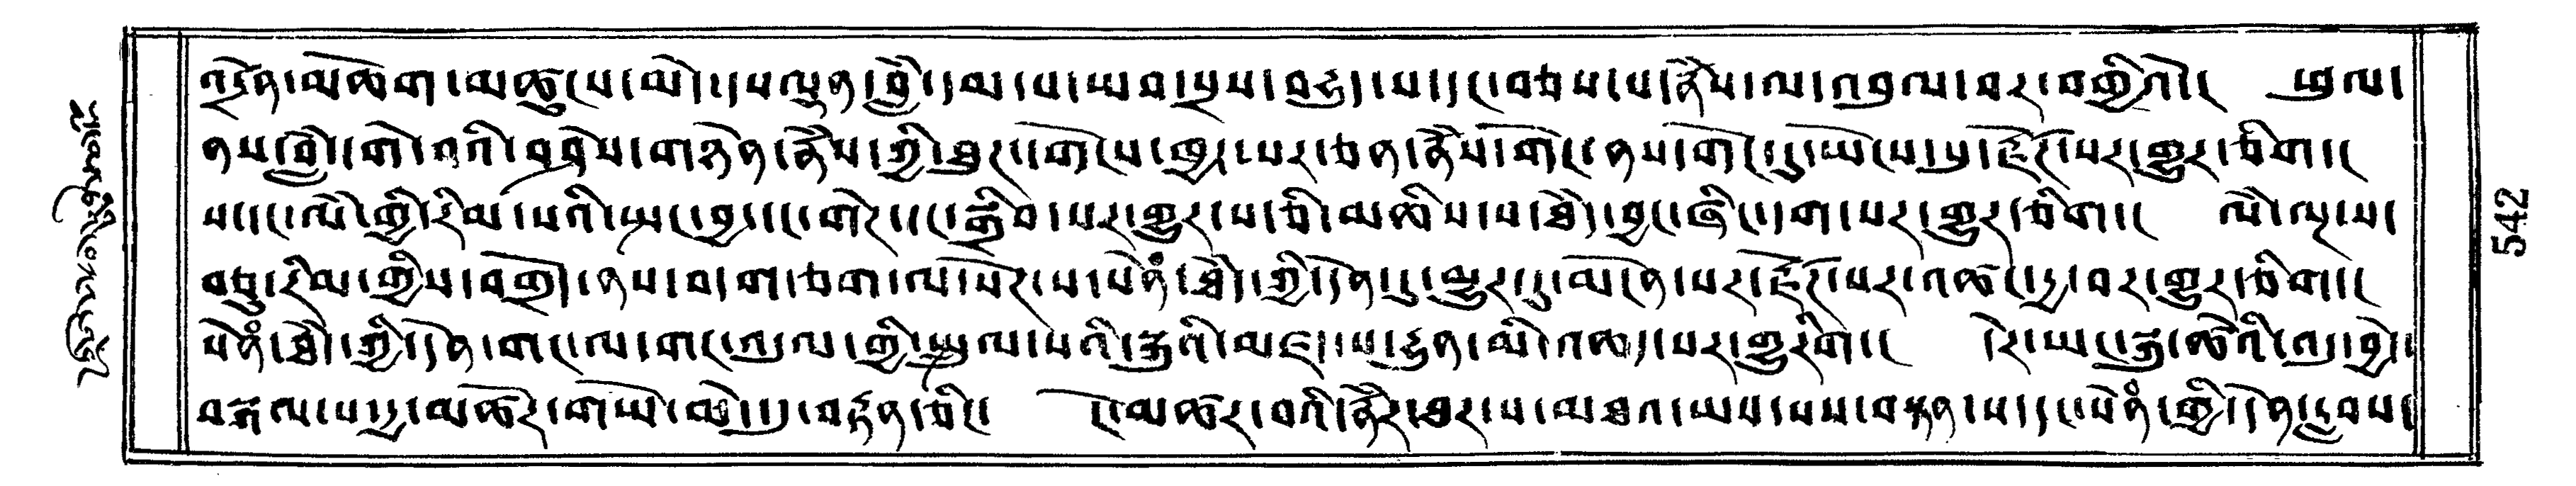འདྲེན་མཆོག་མཚུངས་མེད་དཔལ་ལྡན་བླ་མ་དམ་པ་ཡབ་སྲས་བརྒྱུད་པ་དང་བཅས་པ་རྣམས་ལ་འབུལ་བར་བགྱིའོ། ཕུལ་
ནས་བླ་མ་དགེ་བའི་བཤེས་གཉེན་རྣམས་ཀྱི་ཐུགས་དགོངས་ཁྱད་པར་ཅན་རྣམས་གོང་ནས་གོང་དུ་ཡོངས་སུ་རྫོགས་པར་གྱུར་ཅིག 
ས་དང་ལམ་གྱི་རིམ་པའི་སྤང་བྱ་དང་གེགས་དང་སྒྲིབ་པར་གྱུར་པ་ཅི་མཆིས་པ་ཐམས་ཅད་བྱང་ཞིང་དག་པར་གྱུར་ཅིག ལམ་ལྔ་ས་
བཅུ་རིམ་གྱིས་བགྲོད་ནས་བདག་ཅག་ལ་སོགས་པ་སེམས་ཅན་ཐམས་ཅད་ཀྱི་དོན་དུ་མྱུར་དུ་མངོན་པར་རྫོགས་པར་འཚང་རྒྱ་བར་གྱུར་ཅིག 
སེམས་ཅན་ཐམས་ཅད་ཀྱི་དོན་གང་ལ་གང་འདུལ་གྱི་སྤྲུལ་པའི་སྐུའི་མཛད་པ་རྒྱུན་མི་འཆད་པར་གྱུར་ཅིག དེར་ཡང་སྐུ་ཚེའི་འདུ་བྱེད་
བསྐལ་པ་རྒྱ་མཚོར་གཡོ་མེད་དུ་བརྟན་ཅིང་། ངོ་མཚར་བའི་རྣམ་པར་ཐར་པ་མཐའ་ཡས་པས་བསྟན་པ་དང་སེམས་ཅན་གྱི་དོན་རླབས་